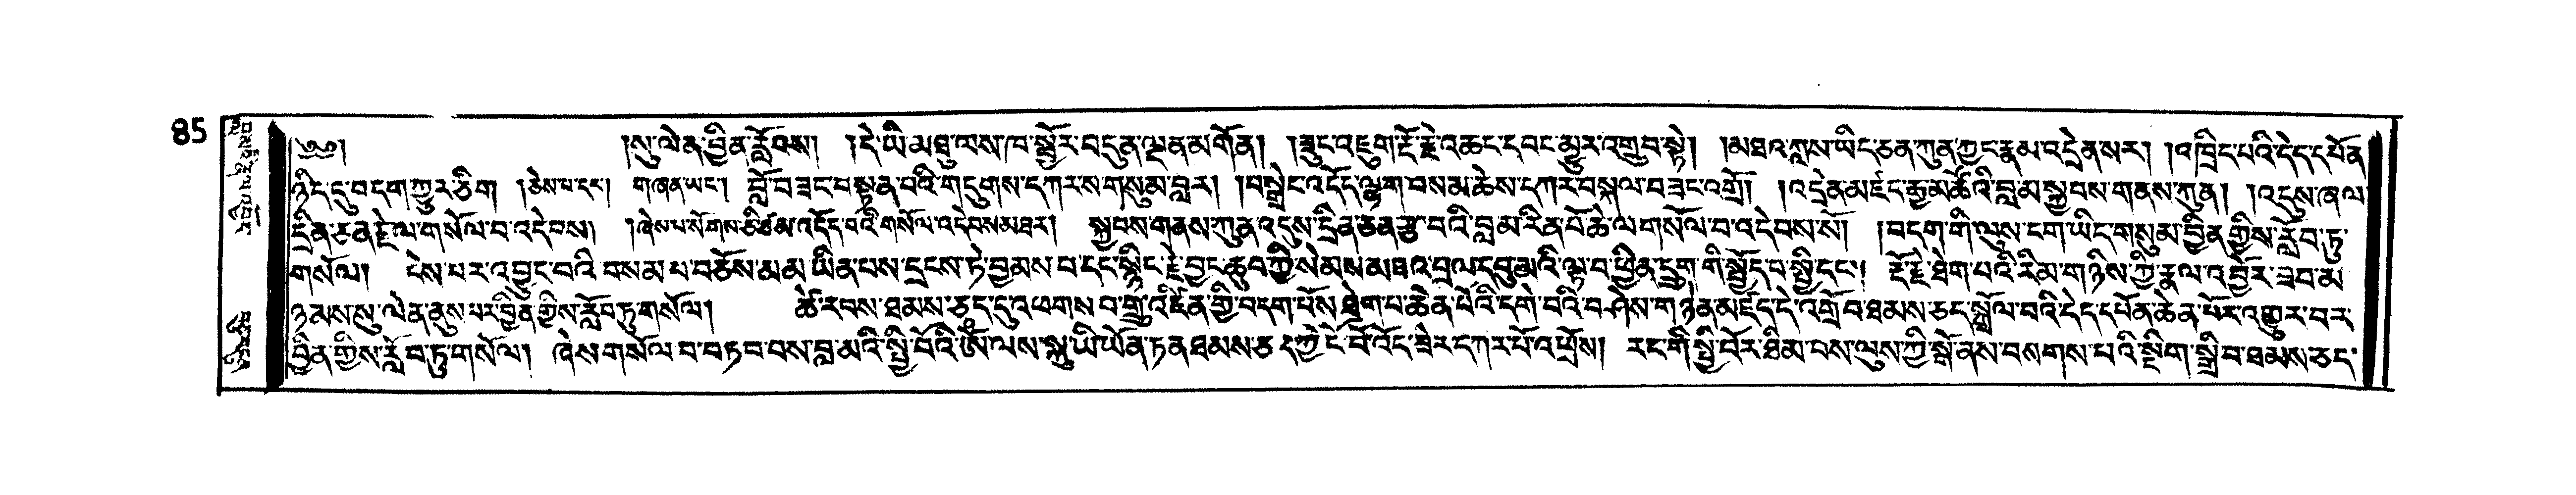༄༅། །སུ་ལེན་བྱིན་རློབས། །དེ་ཡི་མཐུ་ལས་ཁ་སྦྱོར་བདུན་ལྡན་མགོན། །ཟུང་འཇུག་རྡོ་རྗེ་འཆང་དབང་མྱུར་འགྲུབ་སྟེ། །མཐའ་ཀླས་ཡིད་ཅན་ཀུན་ཀྱང་རྣམ་འདྲེན་སར། །འཁྲིང་པའི་དེད་དཔོན་
ཉིད་དུ་བདག་གྱུར་ཅིག །ཅེས་པ་དང་། གཞན་ཡང་། བློ་བཟང་བསྟན་པའི་གདུགས་དཀར་ས་གསུམ་བླར། །བསྒྲེང་འདོད་ལྷག་བསམ་ཆེས་དཀར་བསྐལ་བཟང་འགྲོ། །འདྲེན་མཛད་རྒྱ་མཚོའི་བླ་མ་སྐྱབས་གནས་ཀུན། །འདུས་ཞལ་
དྲིན་ཅན་རྗེ་ལ་གསོལ་བ་འདེབས། །ཞེས་པ་སོགས་ཅི་ཙམ་འདོད་པའི་གསོལ་འདེབས་མཐར། །སྐྱབས་གནས་ཀུན་འདུས་དྲིན་ཅན་རྩ་བའི་བླ་མ་རིན་པོ་ཆེ་ལ་གསོལ་བ་འདེབས་སོ། །བདག་གི་ལུས་ངག་ཡིད་གསུམ་བྱིན་གྱིས་རློབ་ཏུ་
གསོལ། །ངེས་པར་འབྱུང་བའི་བསམ་བ་བཅོས་མ་མ་ཡིན་པས་དྲངས་ཏེ་བྱམས་པ་དང་སྙིང་རྗེ་བྱང་ཆུབ་ཀྱི་སེམས་མཐའ་བྲལ་དབུ་མའི་ལྟ་བ་ཕྱིན་དྲུག་གི་སྤྱོད་པ་སྤྱི་དང་། །རྡོ་རྗེ་ཐེག་པའི་རིམ་གཉིས་ཀྱི་རྣལ་འབྱོར་ཟབ་མ་
ཉམས་སུ་ལེན་ནུས་པར་བྱིན་གྱིས་རློབ་ཏུ་གསོལ། ཚེ་རབས་ཐམས་ཅད་དུ་འཕགས་པ་གྲུ་འཛིན་གྱི་བདག་པོས་ཐེག་པའི་ཆེན་པོའི་དགེ་བའི་བཤེས་གཉེན་མཛད་དེ་འགྲོ་བ་ཐམས་ཅད་སྒྲོལ་བའི་དེད་དཔོན་ཆེན་པོར་འགྱུར་བར་
བྱིན་གྱིས་རློབ་ཏུ་གསོལ། །ཞེས་གསོལ་བ་བཏབ་པས་བླ་མའི་སྤྱི་བོའི་ཨོཾ་ལས་སྐུ་ཡི་ཡོན་ཏན་ཐམས་ཅད་ཀྱི་ངོ་བོ་འོད་ཟེར་དཀར་པོ་འཕྲོས། རང་གི་སྤྱི་བོར་ཐིམ་པས་ལུས་ཀྱི་སྒོ་ནས་བསགས་པའི་སྡིག་སྒྲིབ་ཐམས་ཅད་